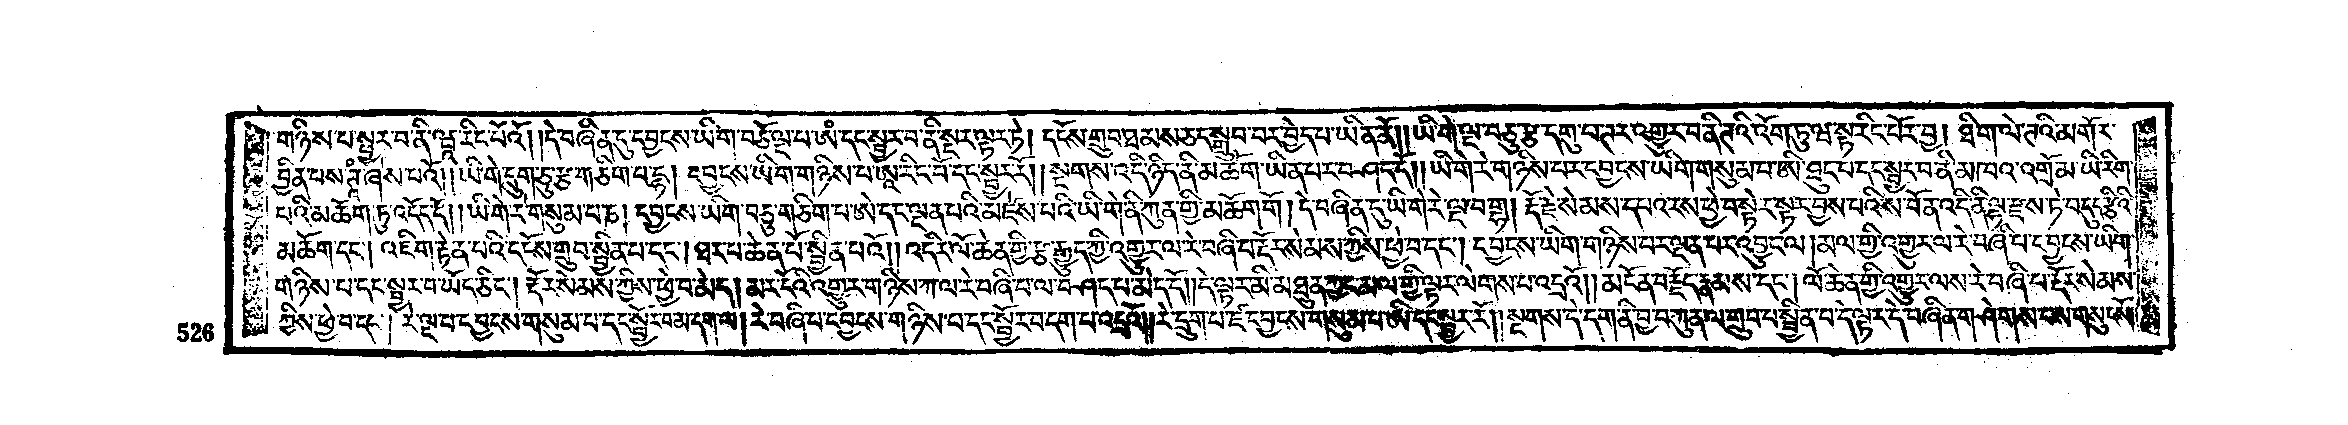གཉིས་པ་སྦྱར་བ་ནི་ཝཱ་རིང་པོའོ། །དེ་བཞིན་དུ་དབྱངས་ཡིག་བཅོ་ལྔ་པ་ཨཾ་དང་སྦྱར་བ་ནི་སྔར་ལྟར་ཏེ། དངོས་གྲུབ་ཐམས་ཅད་སྒྲུབ་པར་བྱེད་པ་ཡིན་ནོ། །ཡི་གེ་ལྔ་བཅུ་རྩ་དགུ་པ་ཊར་འགྱུར་བ་ནི་ཊའི་འོག་ཏུ་ཝ་སྟ་རིང་པོར་བྱ། ཐིག་ལེ་ཊའི་མགོར་
བྱིན་པས་ཊཱཾ་ཞེས་པའོ། །ཡི་གེ་དྲུག་ཅུ་རྩ་གཅིག་པ་དྷ། དབྱངས་ཡིག་གཉིས་པ་ཨཱ་རིང་པོ་དང་སྦྱར་རོ། །སྔགས་འདི་ཉིད་ནི་མཆོག་ཡིན་པར་བཤད་དོ། །ཡི་གེ་རེ་གཉིས་པར་དབྱངས་ཡིག་གསུམ་པ་ཨི་ཐུང་བ་དང་སྦྱར་བ་ནི་མཁའ་འགྲོ་མ་ཡི་རིག་
པའི་མཆོག་ཏུ་འདོད་དོ། །ཡི་གེར་གསུམ་པ་ཎ། དབྱངས་ཡིག་བཅུ་གཅིག་པ་ཨེ་དང་ལྡན་པའི་མཛེས་པའི་ཡི་གེ་ནི་ཀུན་གྱི་མཆོག་གོ །དེ་བཞིན་དུ་ཡི་གེ་རེ་ལྔ་བ་གྷ། རྡོ་རྗེ་སེམས་དཔའ་རས་ཕྱེ་བ་སྟེ་ར་སྟར་བྱས་པའི་ས་བོན་འདི་ནི་ལྷ་རྫས་ཏེ་བདུད་རྩིའི་
མཆོག་དང་། འཇིག་རྟེན་པའི་དངོས་གྲུབ་སྦྱིན་པ་དང་། ཐར་པ་ཆེན་པོ་སྦྱིན་པའོ། །འདིར་ལོ་ཆེན་གྱི་རྩ་རྒྱུད་ཀྱི་འགྱུར་ལ་རེ་བཞི་པ་རྡོར་སེམས་ཀྱིས་ཕྱེ་བ་དང་། དབྱངས་ཡིག་གཉིས་པར་ལྡན་པར་འབྱུང་ལ། མལ་གྱི་འགྱུར་ལ་རེ་བཞི་པ་དབྱངས་ཡིག་
གཉིས་པ་དང་སྦྱར་བ་ཡོད་ཅིང་། རྡོར་སེམས་ཀྱིས་ཕྱེ་བ་མེད། མར་དོའི་འགྱུར་གཉིས་ཀ་ལོ་རེ་བཞི་པ་ལ་བཤད་པ་མེད་དོ། །དེ་ལྟར་མི་མཐུན་ཀྱང་མལ་གྱི་ལྟར་ལེགས་པ་འདྲའོ། །མངོན་བརྗོད་རྣམས་དང་། ལོ་ཆེན་གྱི་འགྱུར་ལས་རེ་བཞི་པ་རྡོར་སེམས་
ཀྱིས་ཕྱེ་བ་དང་། རེ་ལྔ་པ་དབྱངས་གསུམ་པ་དང་སྦྱོར་བ་མ་དག་ལ། རེ་བཞི་པ་དབྱངས་གཉིས་པ་དང་སྦྱོར་བ་དག་པ་འདྲའོ། །རེ་དྲུག་པ་ཛ་དབྱངས་གསུམ་པ་ཨི་དང་སྦྱར་རོ། །སྔགས་དེ་དག་ནི་བྱ་བ་ཀུན་ལ་གྲུབ་པ་སྦྱིན་པ་དེ་ལྟར་དེ་བཞིན་གཤེགས་པས་གསུངས་སོ། །